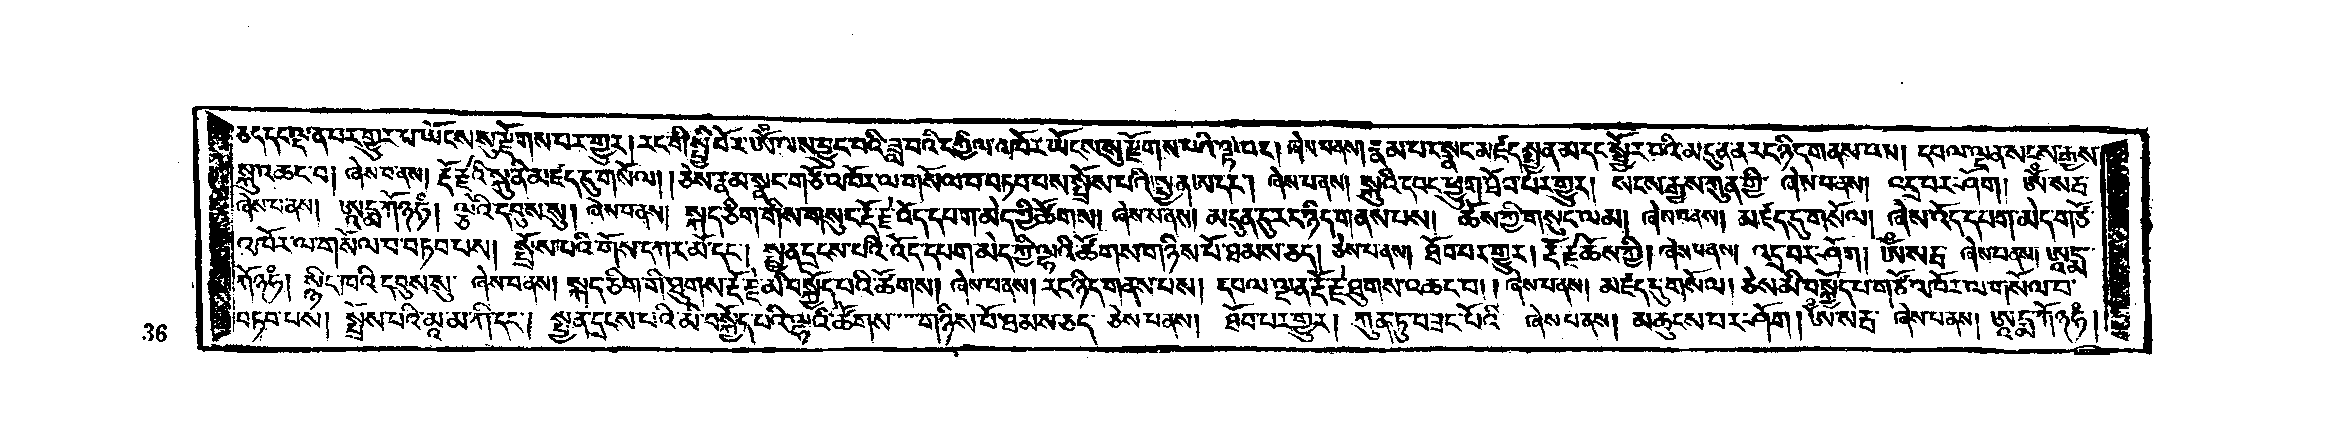ཅད་དང་ལྡན་པར་གྱུར་པ་ཡོངས་སུ་རྫོགས་པར་གྱུར། རང་གི་སྤྱི་བོར་ཨོཾ་ལས་བྱུང་བའི་ཟླ་བའི་དཀྱིལ་འཁོར་ཡོངས་སུ་རྫོགས་པའི་ལྟེ་བར། ཞེས་པ་ནས།  རྣམ་པར་སྣང་མཛད་སྤྱན་མ་དང་སྦྱོར་བའི་མདུན་ན་རང་ཉིད་གནས་པས། དཔལ་ལྡན་སངས་རྒྱས་
སྐུ་འཆང་བ། ཞེས་པ་ནས།  རྡོ་རྗེའི་སྐུ་ནི་མཛད་དུ་གསོལ། །ཅེས་རྣམ་སྣང་གཙོ་འཁོར་ལ་གསོལ་བ་བཏབ་པས་སྤྲོས་པའི་སྤྱན་མ་དང་། ཞེས་པ་ནས།  སྐུའི་དབང་ཕྱུག་ཐོབ་པར་གྱུར། སངས་རྒྱས་ཀུན་གྱི་ཞེས་པ་ནས།  འདྲ་བར་ཤོག །ཨོཾ་སརྦ་
ཞེས་པ་ནས།  ཨཱདམ་ཀོཉ་ཧཾ། ལྕེའི་དབུས་སུ། ཞེས་པ་ནས།  སྐད་ཅིག་གིས་གསུང་རྡོ་རྗེ་འོད་དཔག་མེད་ཀྱི་ཚོགས། ཞེས་པ་ནས།  མདུན་དུ་རང་ཉིད་གནས་པས། ཆོས་ཀྱི་གསུང་ལམ། ཞེས་པ་ནས།  མཛད་དུ་གསོལ། ཞེས་འོད་དཔག་མེད་གཙོ་
འཁོར་ལ་གསོལ་བ་བཏབ་པས། སྤྲོས་པའི་གོས་དཀར་མོ་དང་། སྤྱན་དྲངས་པའི་འོད་དཔག་མེད་ཀྱི་ལྷའི་ཚོགས་གཉིས་པོ་ཐམས་ཅད། ཅེས་པ་ནས།  ཐོབ་པར་གྱུར། རྡོ་རྗེ་ཆོས་ཀྱི། ཞེས་པ་ནས།  འདྲ་བར་ཤོག །ཨོཾ་སརྦ་ཞེས་པ་ནས།  ཨཱདམ་
ཀོཉ་ཧཾ། སྙིང་ཁའི་དབུས་སུ་ཞེས་པ་ནས།  སྐད་ཅིག་གི་ཐུགས་རྡོ་རྗེ་མི་བསྐྱོད་པའི་ཚོགས། ཞེས་པ་ནས།  རང་ཉིད་གནས་པས། དཔལ་ལྡན་རྡོ་རྗེ་ཐུགས་འཆང་བ། ཞེས་པ་ནས།  མཛད་དུ་གསོལ། ཅེས་མི་བསྐྱོད་པ་གཙོ་འཁོར་ལ་གསོལ་བ་
བཏབ་པས། སྤྲོས་པའི་མཱ་མ་ཀི་དང་། སྤྱན་དྲངས་པའི་མི་བསྐྱོད་པའི་ལྷའི་ཚོགས་གཉིས་པོ་ཐམས་ཅད་ཅེས་པ་ནས།  ཐོབ་པར་གྱུར། ཀུན་ཏུ་བཟང་པོའི་ཞེས་པ་ནས།  མཚུངས་པར་ཤོག །ཨོཾ་སརྦ་ཞེས་པ་ནས།  ཨཱདམ་ཀོཉ་ཧཾ།